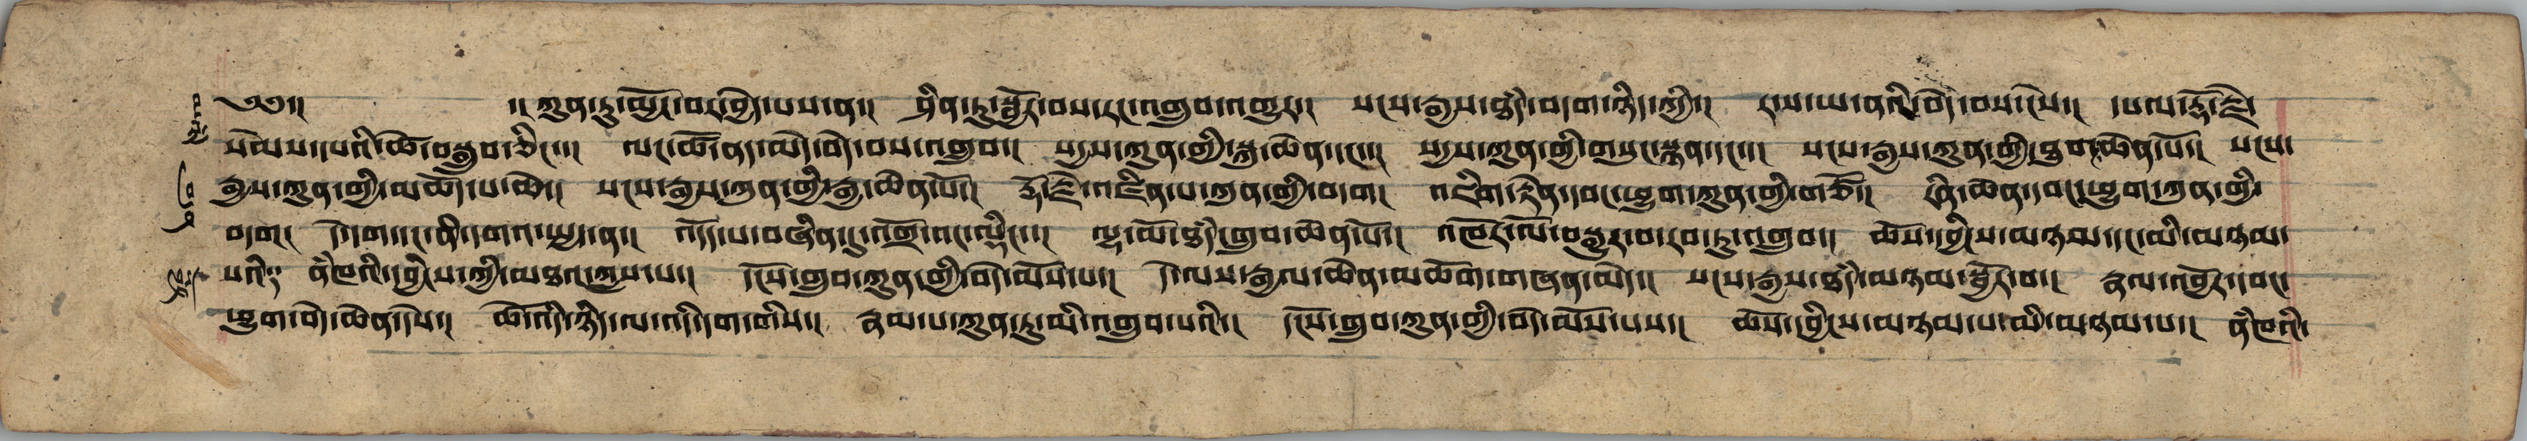༄༅་། ་།ཀུན་ཏུ་མྱོང་བར་བྱེད་པས་ན་། ཤིན་ཏུ་སྦྱོར་བས་རང་འགྲུབ་འགྱུར་། སངས་རྒྱས་ཐཾད་བདག་ཉིད་ཀྱི་། ར་ས་ཡ་ནའི་བདེ་བས་ངེས་། དཔལ་རྡོ་རྗེ་
སེམས་དཔའི་ཚེ་བསྒྲུབ་ཅིང་་། ལང་ཚོ་ནད་མེད་བདེ་བས་འགྲུབ་། སདྱས་ཀུན་གྱི་སྐུ་ཆེན་དང་་། སདྱས་ཀུན་གྱི་གསུང་སྙན་དང་་། སངས་རྒྱས་ཀུན་གྱི་ཐུགས་ཆེན་པོ་། སངས་
རྒྱས་ཀུན་གྱི་མཆོད་པ་ཆེ་། སངས་རྒྱས་ཀུན་གྱི་རྒྱུ་ཆེན་པོ་། རྡོ་རྗེ་འཛིན་པ་ཀུན་གྱི་བདག། འཇིག་རྟེན་དབང་ཕྱུག་ཀུན་གྱི་གཙོ་། རིན་ཆེན་དབང་ཕྱུག་ཀུན་གྱི་
བདག། དེ་དག་དང་ནི་དགའ་སྤྱད་ན་། འདོད་པ་བཞིན་དུ་འགྲོ་འང་ལྡིང་་། ལྷ་མོ་ཐཾད་གྲུབ་ཆེན་པོ་། འཁོར་ལོ་བསྒྱུར་བ་རབ་ཏུ་འགྲུབ་། ཆོས་དབྱིངས་མཉམ་དང་མི་མཉམ་
པའི༑ ནཾཁའི་དབྱིངས་ཀྱི་མཐའ་ཀླས་པ་། དངོས་གྲུབ་ཀུན་གྱི་བདེ་མོས་པ་།། དེ་ལས་རྒྱལ་ཆེན་མཆོག་གཞན་མེད་། སངས་རྒྱས་ཐཾད་མཉམ་སྦྱོར་བ་། རྣལ་འབྱོར་དབང་
ཕྱུག་བདེ་ཆེན་དེས་། ཚེ་འདི་ཉིད་ལ་འདི་དག་གིས་། རྣམ་པ་ཀུན་ཏུ་མི་འགྲུབ་པའི་། དངོས་གྲུབ་ཀུན་གྱི་བདེ་མོས་པས་། ཆོས་དབྱིངས་མཉམ་པ་མི་མཉམ་པ་། ནཾཁའི་